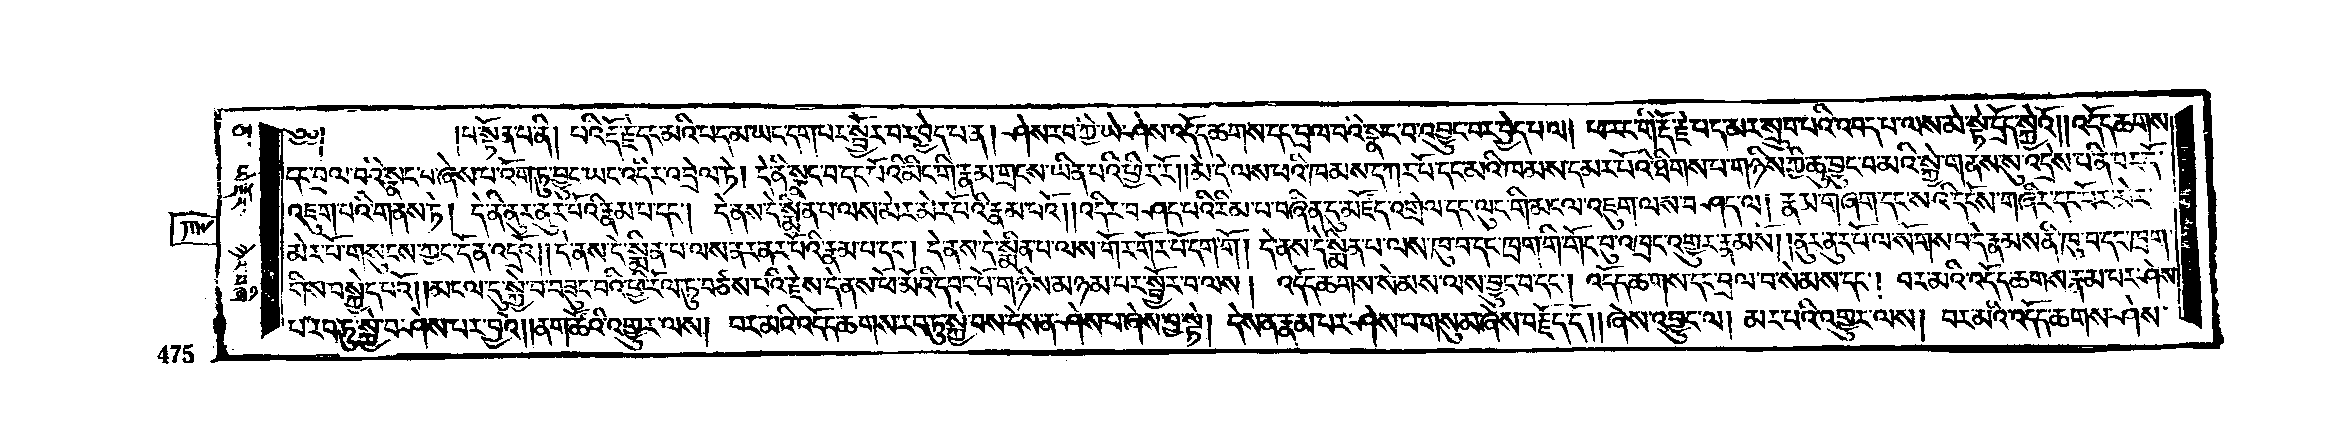༄༅། །པ་སྟོན་པ་ནི། ཕའི་རྡོ་རྗེ་དང་མའི་པད་མ་ཡང་དག་པར་སྦྱོར་བར་བྱེད་པ་ན། ཤེས་རབ་ཀྱི་ཡེ་ཤེས་འདོད་ཆགས་དང་བྲལ་བའི་སྣང་བ་འབྱུང་བར་བྱེད་པ་ལ། ཕ་རང་གི་རྡོ་རྗེ་པད་མར་སྲུབ་པའི་འབད་པ་ལས་མེ་སྟེ་དྲོད་སྐྱེའོ། །འདོད་ཆགས་
དང་བྲལ་བའི་སྣང་བ་ཞེས་པ་འོག་ཏུ་བྱུང་ཡང་འདིར་འབྲེལ་ཏེ། དེ་ནི་སྣང་བ་དང་པོའི་མིང་གི་རྣམ་གྲངས་ཡིན་པའི་ཕྱིར་རོ། །མེ་དེ་ལས་ཕའི་ཁམས་དཀར་པོ་དང་མའི་ཁམས་དམར་པོའི་ཐིགས་པ་གཉིས་ཀྱི་ཆུ་བྱུང་བ་མའི་སྐྱེ་གནས་སུ་འདྲེས་པ་ནི་བར་དོ་
འཇུག་པའི་གནས་ཏེ། དེ་ནི་ནུར་ནུར་པོའི་རྣམ་པ་དང་། དེ་ནས་དེ་སྨིན་པ་ལས་མེར་མེར་པོའི་རྣམ་པའོ། །འདིར་བཤད་པའི་རིམ་པ་བཞིན་དུ་མཛོད་འགྲེལ་དང་ལུང་གི་མངལ་འཇུག་ལས་བཤད་ལ། རྣམ་གཞག་དང་སའི་དངོས་གཞིར་དང་པོར་མེར་
མེར་པོ་གསུངས་ཀྱང་དོན་འདྲའོ། །དེ་ནས་དེ་སྨིན་པ་ལས་ནར་ནར་པོའི་རྣམ་པ་དང་། དེ་ནས་དེ་སྨིན་པ་ལས་གོར་གོར་པོ་དག་གོ །དེ་ནས་དེ་སྨིན་པ་ལས་ཁུ་བ་དང་ཁྲག་གི་གོང་བུ་འཁྲང་འགྱུར་རྣམས་སོ། །ནུར་ནུར་པོ་ལ་སོགས་པ་དེ་རྣམས་ནི་ཁུ་བ་དང་ཁྲག་
གིས་བསྐྱེད་པའོ། །མངལ་དུ་སྐྱེ་བ་བཟུང་བའི་ཕྱི་རོལ་ཏུ་བཙས་པའི་རྗེས་དེ་ནས་ཕོ་མོའི་དབང་པོ་གཉིས་མཉམ་པར་སྦྱོར་བ་ལས། འདོད་ཆགས་སེམས་ལས་བྱུང་བ་དང་། འདོད་ཆགས་དང་བྲལ་བ་སེམས་དང་། བར་མའི་འདོད་ཆགས་རྣམ་པར་ཤེས་
པ་རབ་ཏུ་སྐྱེ་བ་ཤེས་པར་བྱའོ། །ནག་ཚོའི་འགྱུར་ལས། བར་མའི་འདོད་ཆགས་རབ་ཏུ་སྐྱེ་བས་དེས་ན་ཤེས་པ་ཞེས་བྱ་སྟེ། དེས་ན་རྣམ་པར་ཤེས་པ་གསུམ་ཞེས་བརྗོད་དོ། །ཞེས་འབྱུང་ལ། མར་པའི་འགྱུར་ལས། བར་མའི་འདོད་ཆགས་ཤེས་